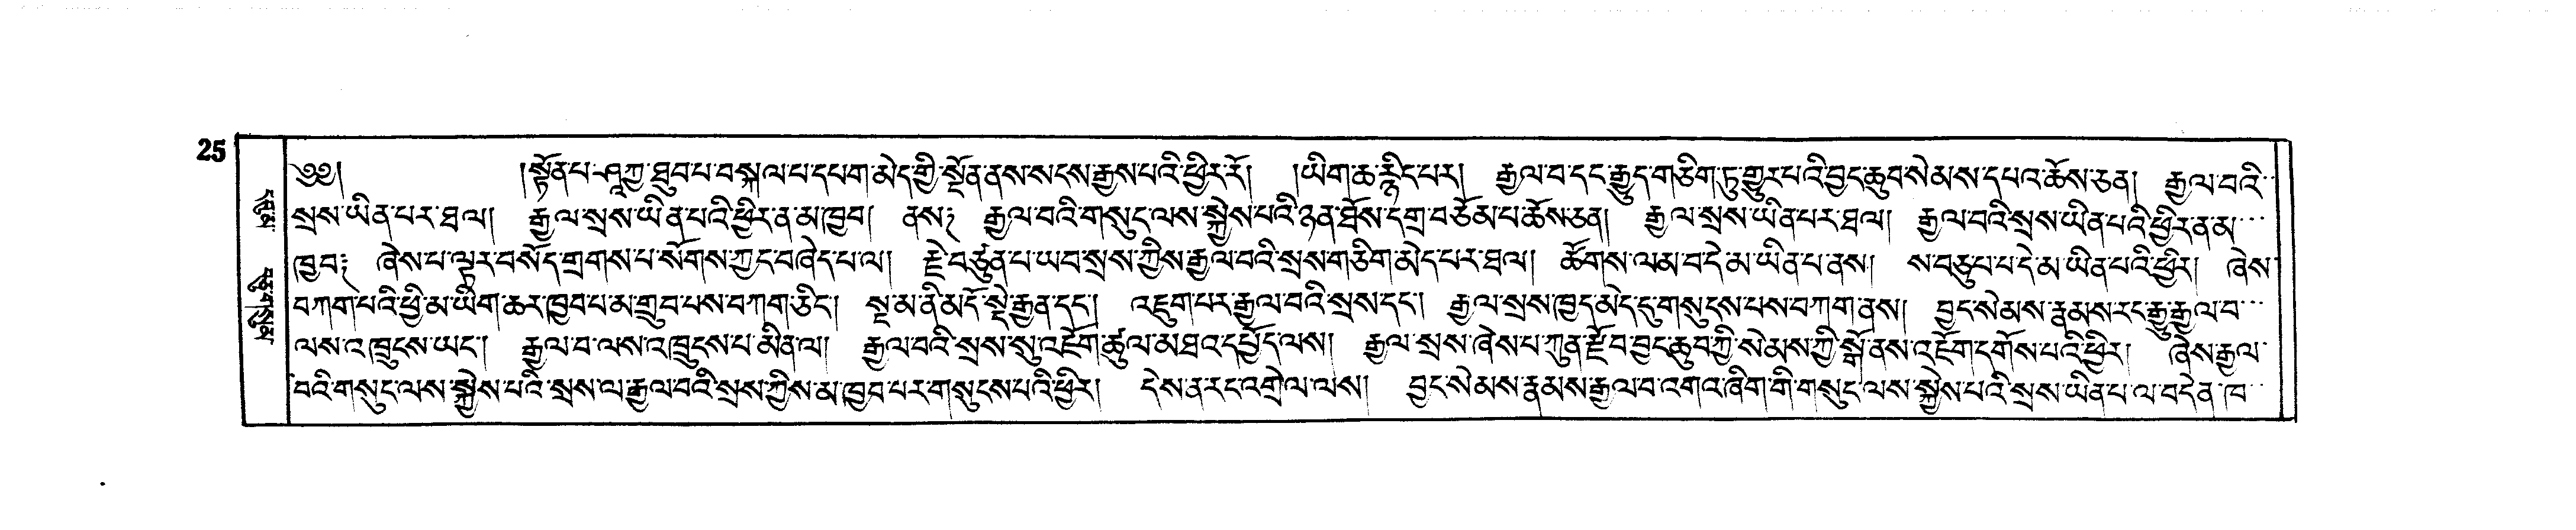༄༅། །སྟོན་པ་ཤཱཀྱ་ཐུབ་པ་བསྐལ་པ་དཔག་མེད་གྱི་སྔོན་ནས་སངས་རྒྱས་པའི་ཕྱིར་རོ། །ཡིག་ཆ་རྙིང་པར། རྒྱལ་བ་དང་རྒྱུད་གཅིག་ཏུ་གྱུར་པའི་བྱང་ཆུབ་སེམས་དཔའ་ཆོས་ཅན། རྒྱལ་བའི་
སྲས་ཡིན་པར་ཐལ། རྒྱལ་སྲས་ཡིན་པའི་ཕྱིར་ན་མ་ཁྱབ། ནས། རྒྱལ་བའི་གསུང་ལས་སྐྱེས་པའི་ཉན་ཐོས་དགྲ་བཅོམ་པ་ཆོས་ཅན། རྒྱལ་སྲས་ཡིན་པར་ཐལ། རྒྱལ་བའི་སྲས་ཡིན་པའི་ཕྱིར་ན་མ་
ཁྱབ། ཞེས་པ་ལྟར་བསོད་གྲགས་པ་སོགས་ཀྱང་བཞེད་པ་ལ། རྗེ་བཙུན་པ་ཡབ་སྲས་ཀྱིས་རྒྱལ་བའི་སྲས་གཅིག་མེད་པར་ཐལ། ཚོགས་ལམ་བ་དེ་མ་ཡིན་པ་ནས། ས་བཅུ་པ་དེ་མ་ཡིན་པའི་ཕྱིར། ཞེས་
བཀག་པའི་ཕྱི་མ་ཡིག་ཆར་ཁྱབ་པ་མ་གྲུབ་པས་བཀག་ཅིང་། སྔ་མ་ནི་མདོ་སྡེ་རྒྱན་དང་། འཇུག་པར་རྒྱལ་བའི་སྲས་དང་། རྒྱལ་སྲས་ཁྱད་མེད་དུ་གསུངས་པས་བཀག་ནས། བྱང་སེམས་རྣམས་རང་རྒྱུ་རྒྱལ་བ་
ལས་འཁྲུངས་ཡང་། རྒྱལ་བ་ལས་འཁྲུངས་པ་མིན་ལ། རྒྱལ་བའི་སྲས་སུ་འཇོག་ཚུལ་མཐའ་དཔྱོད་ལས། རྒྱལ་སྲས་ཞེས་པ་ཀུན་རྫོབ་བྱང་ཆུབ་ཀྱི་སེམས་ཀྱི་སྒོ་ནས་འཇོག་དགོས་པའི་ཕྱིར། ཞེས་རྒྱལ་
བའི་གསུང་ལས་སྐྱེས་པའི་སྲས་ལ་རྒྱལ་བའི་སྲས་ཀྱིས་མ་ཁྱབ་པར་གསུངས་པའི་ཕྱིར། དེས་ན་རང་འགྲེལ་ལས། བྱང་སེམས་རྣམས་རྒྱལ་བ་འགའ་ཞིག་གི་གསུང་ལས་སྐྱེས་པའི་སྲས་ཡིན་པ་ལ་བདེན་ཁ་